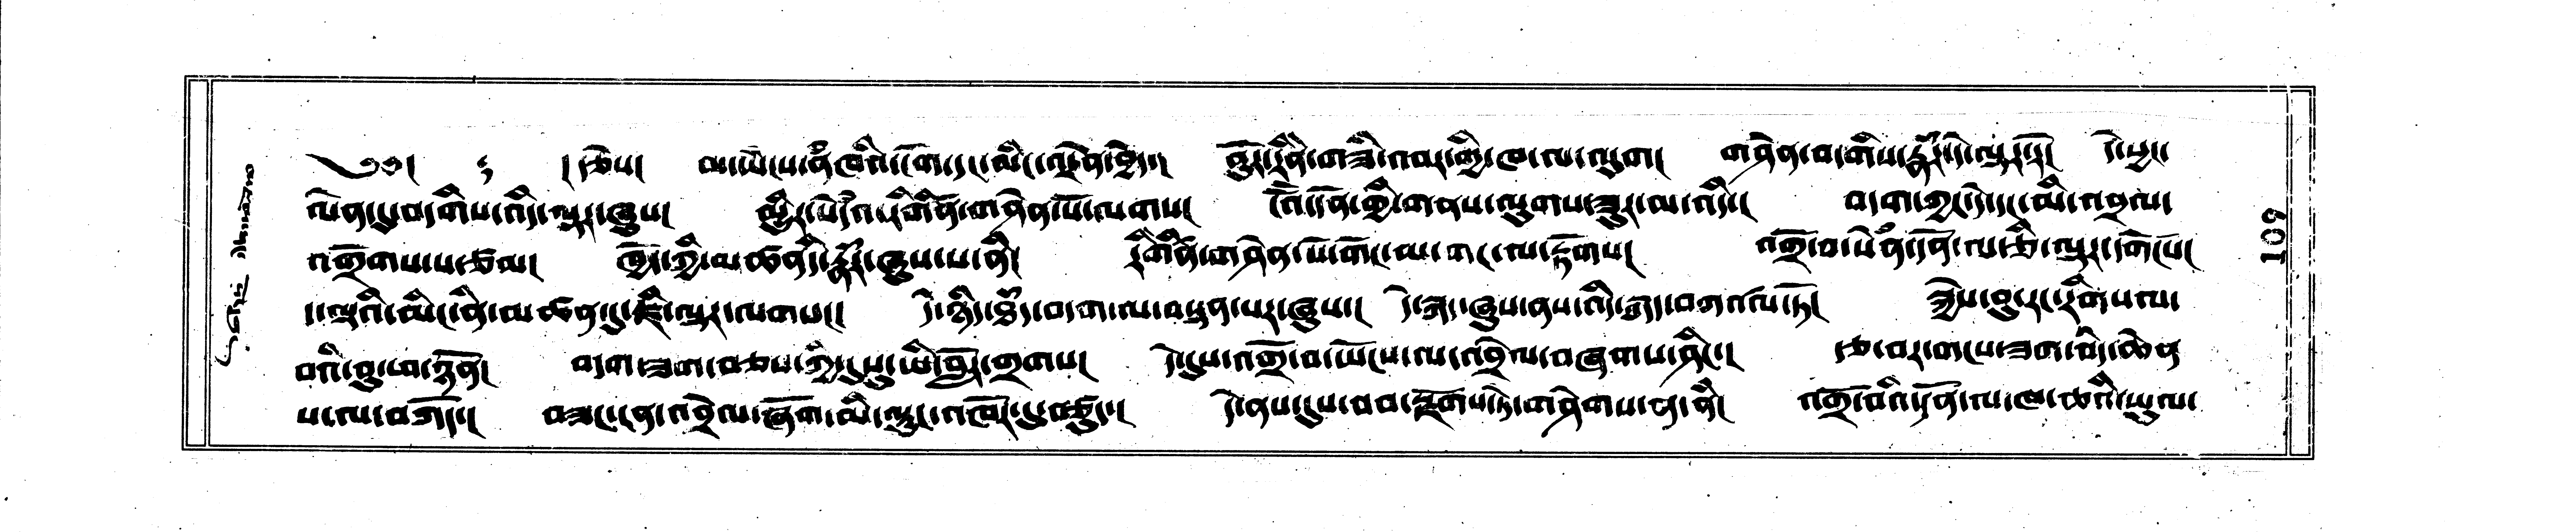རྩེས། མ་ཡོངས་ནམ་མཁའི་ངོགས་དང་མིང་འདྲེན་བྱེད། ནོར་བུ་རིན་ཆེན་གཟི་འབར་གྱི་ཁ་ལ་འདུག གཤེན་བདག་གིས་རྣམ་པར་དེ་ལྟར་རོ། དེ་གསང་
ལེན་དུ་བདག་གིས་འདི་ལྟར་ཞུས། མི་འགྱུར་སེམས་དཔའ་རིག་འཛིན་གཤེན་པོ་ལགས། ངོ་བོ་དོན་གྱི་གནས་ལུགས་ཟུར་མ་འདི། བདག་ཀྱང་དེ་དང་མི་འབྲལ་
འགྲོགས་པ་ཙམ། ཁྱོད་ཀྱི་མཚན་ཉིད་རྣམ་པར་ཞུས་པ་ནི། རིག་འཛིན་གཤེན་པོ་གོང་མ་གང་ལ་རྟོགས། འགྲོ་བ་སེམས་ཅན་དོན་ལ་ཅི་ལྟར་དགོངས། 
ད་ལྟའི་མིང་ནི་མཚན་དུ་ཇི་ལྟར་ལགས། དེ་ཉིད་ཐམས་ཅད་བདག་ལ་བསྟན་པར་ཞུས། དེ་སྐད་ཞུས་ནས་འདི་སྐད་བཀའ་སྩལ་ཏོ། སྐྱེས་བུ་རང་རིག་གསལ་
བའི་བུ་ཕ་ཉོན། བདག་ཟག་བཅས་ཀྱི་དུས་སུ་ཡི་བློར་གྲགས། དེ་དུས་འགྲོ་བ་ཡོངས་ལ་འབྲེལ་བཞགས་ཤིང་། རྩ་བར་གང་ཟག་བདེ་ཆེན་
ས་ལ་བཀོད། བཟང་ངན་འབྲེལ་ཞོག་མི་ལྟུང་འཁོར་དུ་བཙུད། དེ་ནས་དུས་བབ་རྫོགས་ཏེ་གཤེགས་ན་ནི། འགྲོ་བའི་དོན་ལ་ཁ་ཆེའི་ཡུལ་